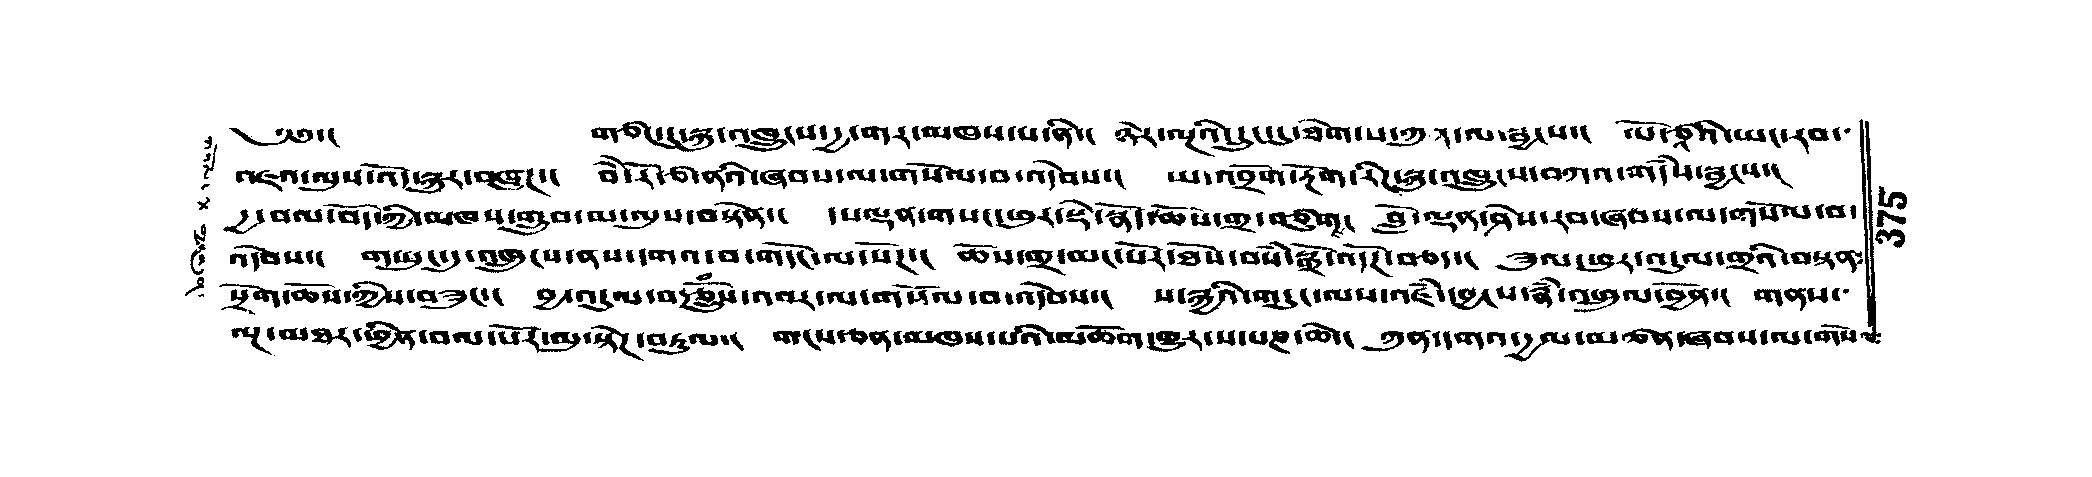།གཙང་དུ་སྐུ་འཁྲུངས་རྒྱ་གར་མཁས་པ་ནི། །ཉེར་ལྔའི་དྲུང་དུ་ཐེག་པ་ཀུན་ལ་སྦྱངས། །ལོ་ཙཱའི་ཡང་རབ་
འཇའ་ལུས་འོད་སྐུར་བཞུགས། །བཻ་རོ་ཙ་ནའི་ཞབས་ལ་གསོལ་བ་འདེབས། །ཡར་འབྲོག་རྔོག་རིགས་སྐུ་འཁྲུངས་བཀའ་གདམས་སྦྱངས། །
རྒྱ་བལ་བོད་ཀྱི་མཁས་གྲུབ་མ་ལུས་བསྟེན། །དཔལ་ལྡན་གསང་ཕུར་སྡེ་སྣོད་ཆོས་གྲྭ་བཙུགས། །བློ་ལྡན་ཤེས་རབ་ཞབས་ལ་གསོལ་བ་
འདེབས། །གཡུང་དུ་འཁྲུངས་ནས་དགའ་བ་གདོང་ལ་སོགས། །ཆོས་གྲྭ་མང་པོར་ཐོས་བསམ་སྒྲོ་འདོགས་བཅད། །ཟུལ་ཕུར་འདུལ་གྲའི་བསྟན་
སྲོག་ཆོས་ཀྱིས་བཟུང་། །བྱ་འདུལ་བརྩོན་གྲུས་འབར་ལ་གསོལ་བ་འདེབས། །ས་སྐྱའི་གདུང་ལས་འཇམ་དབྱངས་རྣམ་འཕྲུལ་བྱོན། །གནས་
ལྔ་མཐར་ཕྱིན་བལ་པོར་མུ་སྟེགས་བཏུལ། །གངས་ཅན་མཁས་པའི་མཆོག་གྱུར་ས་པཎ་ཆེ། །ཀུན་དགའ་རྒྱལ་མཚན་ཞབས་ལ་གསོལ་